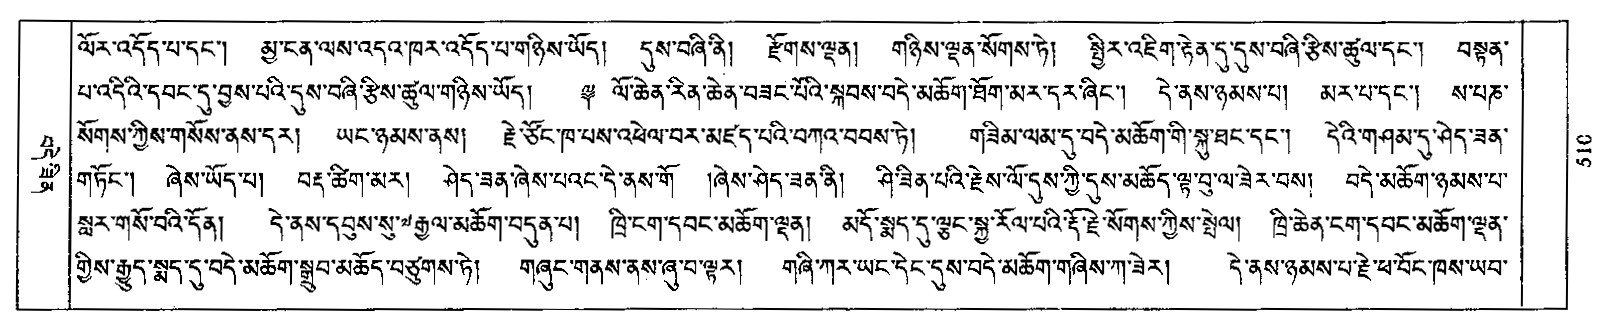ལོར་འདོད་པ་དང་། མྱ་ངན་ལས་འདའ་ཁར་འདོད་པ་གཉིས་ཡོད། དུས་བཞི་ནི། རྫོགས་ལྡན། གཉིས་ལྡན་སོགས་ཏེ། སྤྱིར་འཇིག་རྟེན་དུ་དུས་བཞི་རྩིས་ཚུལ་དང་། བསྟན་
པ་འདིའི་དབང་དུ་བྱས་པའི་དུས་བཞི་རྩིས་ཚུལ་གཉིས་ཡོད། ༈ ལོ་ཆེན་རིན་ཆེན་བཟང་པོའི་སྐབས་བདེ་མཆོག་ཐོག་མར་དར་ཞིང་། དེ་ནས་ཉམས་པ། མར་པ་དང་། ས་པཎ་
སོགས་ཀྱིས་གསོས་ནས་དར། ཡང་ཉམས་ནས། རྗེ་ཙོང་ཁ་པས་འཕེལ་བར་མཛད་པའི་བཀའ་བབས་ཏེ། གཟིམ་ལམ་དུ་བདེ་མཆོག་གི་སྐུ་ཐང་དང་། དེའི་གཤམ་དུ་ཤེད་ཟན་
གཏོང་། ཞེས་ཡོད་པ། བརྡ་ཚིག་མར། ཤེད་ཟན་ཞེས་པའང་དེ་ནས་གོ །ཞེས་ཤེད་ཟན་ནི། ཤི་ཟིན་པའི་རྗེས་ལོ་དུས་ཀྱི་དུས་མཆོད་ལྟ་བུ་ལ་ཟེར་བས། བདེ་མཆོག་ཉམས་པ་
སླར་གསོ་བའི་དོན། དེ་ནས་དབུས་སོ་༧རྒྱལ་མཆོག་བདུན་པ། ཁྲི་ངག་དབང་མཆོག་ལྡན། མདོ་སྨད་དུ་ལྕང་སྐྱ་རོལ་པའི་རྡོ་རྗེ་སོགས་ཀྱིས་སྤེལ། ཁྲི་ཆེན་ངག་དབང་མཆོག་ལྡན་
གྱིས་རྒྱུད་སྨད་དུ་བདེ་མཆོག་སྒྲུབ་མཆོད་བཙུགས་ཏེ། གཞུང་གནས་ནས་ཞུ་བ་ལྟར། གཞི་ཀར་ཡང་དེང་དུས་བདེ་མཆོག་གཞིས་ཀ་ཟེར། དེ་ནས་ཉམས་པ་རྗེ་ཕ་བོང་ཁས་ཡབ་